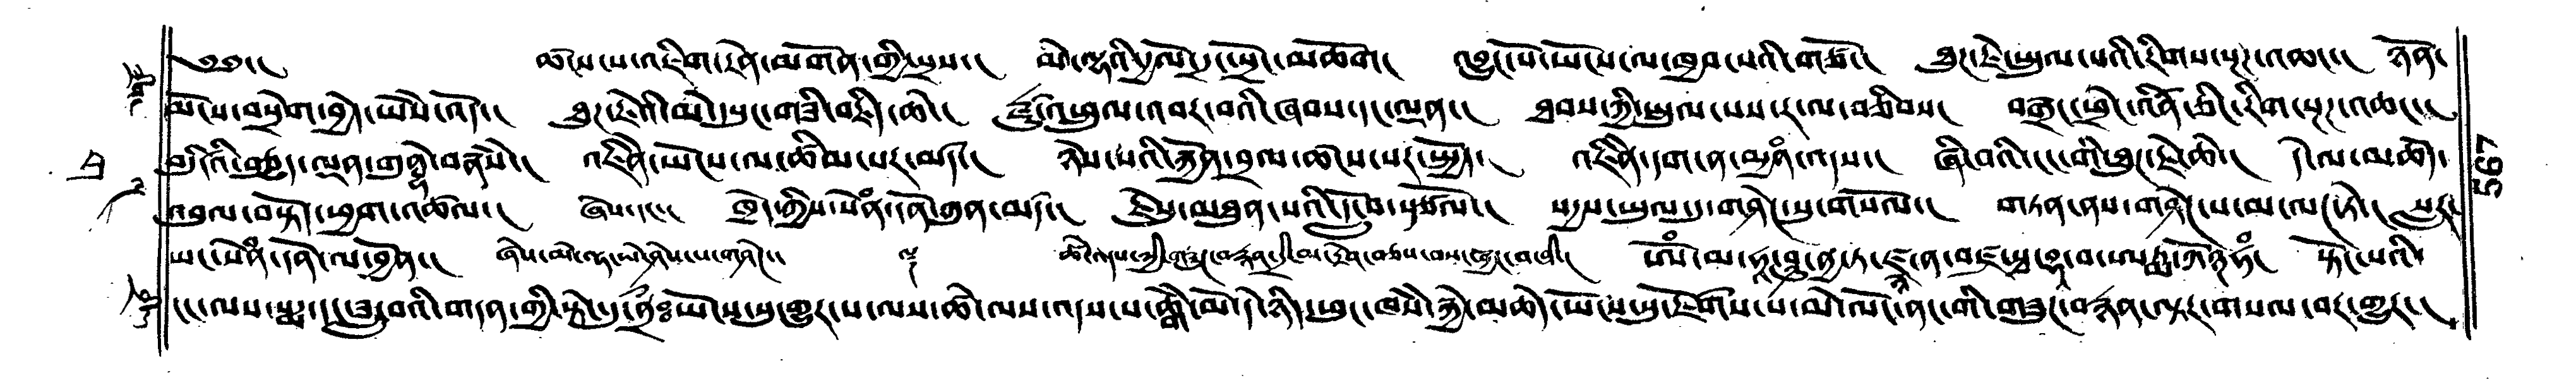ཚངས་པ་འཇིག་རྟེན་མགོན་གྱི་སྲས། །མེ་ལྷའི་རྒྱལ་པོ་དྲང་སྲོང་མཆོག །འབྱུང་པོ་ཡོངས་ལ་ཁྱབ་པའི་གཙོ། །ཐུགས་རྗེ་སྤྲུལ་པའི་རིགས་སྔགས་འཆང་། །ཉོན་
མོངས་བསྲེག་བྱེད་ཡེ་ཤེས་འོད། །ཐུགས་རྗེའི་མེ་དཔུང་གཟི་བརྗིད་ཆེ། །རྫུ་འཕྲུལ་འབར་བའི་ཞབས་དང་ལྡན། ཐབས་ཀྱི་སྤྲུལ་པས་ར་ལ་བཅིབས། །བསྒྲང་ཕྲེང་འཛིན་ཅིང་རིགས་སྔགས་འཆང་། །
བདུད་རྩིའི་བཅུད་ལྡན་གུནྡྷཻ་བསྣམས། །འཇིག་རྟེན་ཡོངས་ལ་ཚིམ་པར་མཛད། །ཉེས་པའི་སྐྱོན་བྲལ་ཚངས་པར་སྤྱོད། །འཇིག་རྟེན་དག་ན་མྱ་ངན་འདས། །ཞི་བའི་ངང་གིས་ཐུགས་རྗེ་ཆེ། །དེ་ལ་མཆོད་
འབུལ་བསྟོད་ཕྱག་འཚལ།ཞེས་དང་། ཁྱེད་ཀྱི་སེམས་ཅན་དོན་ཀུན་མཛད། །རྗེས་སུ་མཐུན་པའི་དངོས་གྲུབ་སྩོལ། །སངས་རྒྱས་ཡུལ་དུ་གཤེགས་སུ་གསོལ། །གཏན་ནས་གཤེགས་པ་མ་ལགས་ཏེ། །སླར་
ཡང་སེམས་ཅན་ལ་བྱོན། ཞེས་མེ་ལྷ་ཡེ་ཤེས་པ་གཤེགས། ཚེ་འདས་ཀྱི་གཟུགས་བརྙན་དྲིམ་རྟེན་བཅས་བསང་སྦྱང་བ་ནི། ཨོཾ་མ་ཧཱ་ཤུནྱ་ཏ་ཛྙཱ་ན་བཛྲ་སྭ་བྷ་བ་ཨཏྨ་ཀོ྅་ཧཾ། སྟོང་པའི་
ངང་ལས་པདྨ་དང་ཟླ་བའི་གདན་གྱི་སྟེང་དུ་ནྲྀཿཡོངས་སུ་གྱུར་པ་ལས་ཚེ་ལས་འདས་པ་ཆེ་གེ་མོ་དེ་ཉིད་ཕུང་ཁམས་སྐྱེ་མཆེད་ཡོངས་སུ་རྫོགས་པ་མེ་ལོང་ནང་གི་གཟུགས་བརྙན་ལྟར་གསལ་བར་གྱུར།